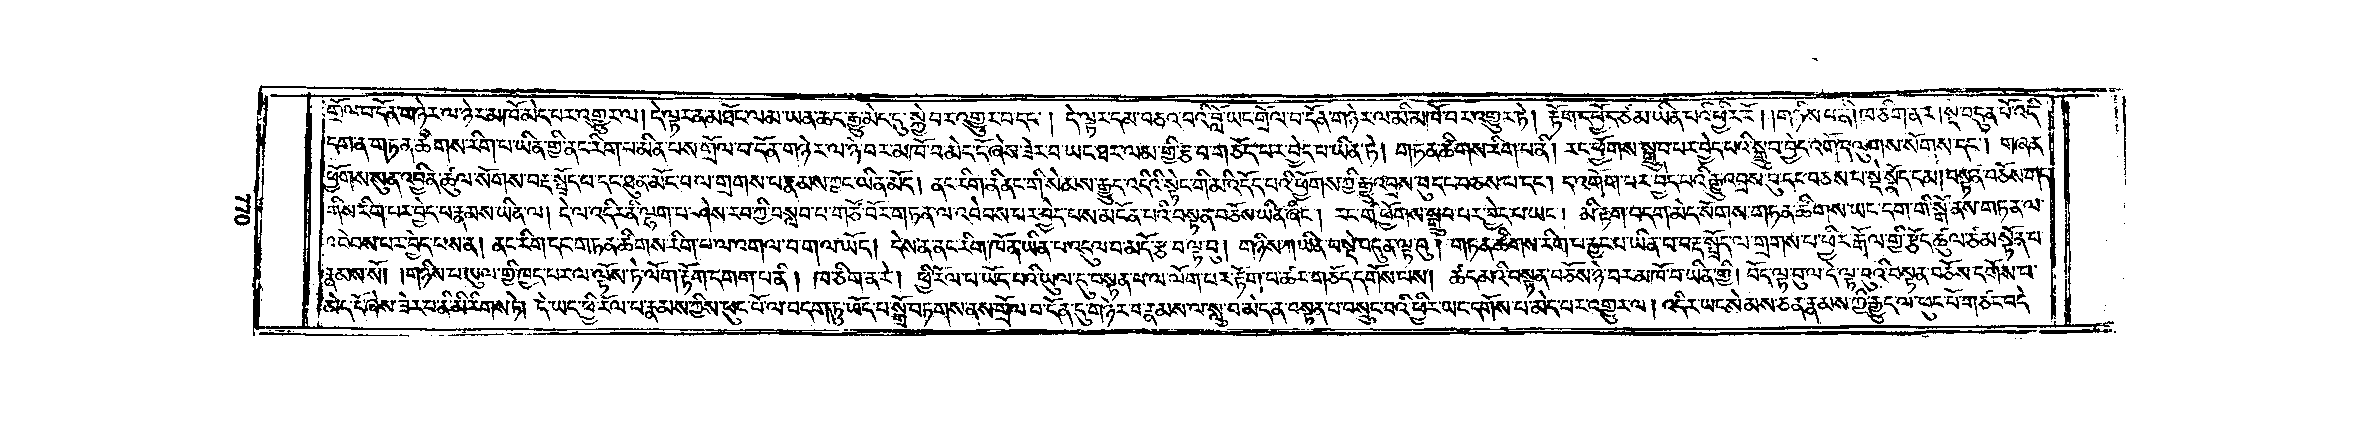གྲོལ་བ་དོན་གཉེར་ལ་ཉེར་མཁོ་མེད་པར་འགྱུར་ལ། དེ་ལྟར་ན་མཐོང་ལམ་ཡན་ཆད་རྒྱུ་མེད་དུ་སྐྱེ་བར་འགྱུར་བ་དང་། དེ་ལྟར་དམ་བཅའ་བའི་བློ་ཡང་གྲོལ་བ་དོན་གཉེར་ལ་མི་མཁོ་བར་འགྱུར་ཏེ། རྟོག་དཔྱོད་ཙམ་ཡིན་པའི་ཕྱིར་རོ། །གཉིས་པ་ནི། ཁ་ཅིག་ན་རེ། སྡེ་བདུན་པོ་འདི་
དག་ན་གཏན་ཚིགས་རིག་པ་ཡིན་གྱི་ནང་རིག་པ་མིན་པས་གྲོལ་བ་དོན་གཉེར་ལ་ཉེ་བར་མཁོ་བ་མེད་དོ་ཞེས་ཟེར་བ་ཡང་ཐར་ལམ་གྱི་རྩ་བ་གཅོད་པར་བྱེད་པ་ཡིན་ཏེ། གཏན་ཚིགས་རིག་པ་ནི། རང་ཕྱོགས་སྒྲུབ་པར་བྱེད་པའི་སྒྲུབ་བྱེད་འགོད་ལུགས་སོགས་དང་། གཞ་
ཕྱོགས་སུན་འབྱིན་ཚུལ་སོགས་བརྡ་སྤྲོད་པ་དང་ཐུན་མོང་བ་ལ་གྲགས་པ་རྣམས་ཀྱང་ཡིན་མོད། ནང་རིག་ནི་ནང་གི་སེམས་རྒྱུད་འདིའི་སྟེང་གི་མི་འདོད་པའི་ཕྱོགས་ཀྱི་རྒྱུ་འབྲས་བུ་དང་བཅས་པ་དང་། ད་འགོག་པར་བྱེད་པའི་རྒྱུ་འབྲས་བུ་དང་བཅས་པ་སྡེ་སྣོད་དམ། བསྟན་བཅོས་གང་
གིས་རིག་པར་བྱེད་པ་རྣམས་ཡིན་ལ། དེ་ལ་འདིར་ནི་ལྷག་པ་ཤེས་རབ་ཀྱི་བསླབ་པ་གཙོ་བོར་གཏན་ལ་འབེབས་པར་བྱེད་པས་མངོན་པའི་བསྟན་བཅོས་ཡིན་ཞིང་། རང་གི་ཕྱོགས་སྒྲུབ་པར་བྱེད་པ་ཡང་། མི་རྟག་བདག་མེད་སོགས་གཏན་ཚིགས་ཡང་དག་གི་སྒོ་ནས་གཏན་ལ་
འབེབས་པར་བྱེད་པས་ན། ནང་རིག་དང་གཏན་ཚིགས་རིག་པ་ལ་འགལ་བ་ག་ལ་ཡོད། དེས་ན་ནང་རིག་ཁོ་ན་ཡིན་པ་འདུལ་བ་མདོ་རྩ་བ་ལྟ་བུ། གཉིས་ཀ་ཡིན་བསྡེ་བདུན་ལྟ་བུ། གཏན་ཚིགས་རིག་པ་རྐྱང་པ་ཡིན་པ་བརྡ་སྤྲོད་ལ་གྲགས་པ་ཕྱིར་རྒོལ་གྱི་རྩོད་ཚུལ་ཙམ་སྟོན་པ་
རྣམས་སོ། །གཉིས་པ་ཡུལ་གྱི་ཁྱད་པར་ལ་ལྟོས་ཏེ་ལོག་རྟོག་དགག་པ་ནི། ཁ་ཅིག་ན་རེ། ཕྱི་རོལ་པ་ཡོད་པའི་ཡུལ་དུ་བསྟན་པ་ལ་ལོག་པར་རྟོག་པ་ཚར་གཅོད་དགོས་པས། ཚད་མའི་བསྟན་བཅོས་ཉེ་བར་མཁོ་བ་ཡིན་གྱི། བོད་ལྟ་བུ་ལ་དེ་ལྟ་བུའི་བསྟན་བཅོས་དགོས་པ་
མེད་དོ་ཞེས་ཟེར་བ་ནི་མི་རིགས་ཏེ། དེ་ཡང་ཕྱི་རོལ་པ་རྣམས་ཀྱིས་ཕུང་པོ་ལ་བདག་ཏུ་ཡོད་པ་སྒྲོ་བཏགས་ནས་གྲོལ་བ་དོན་དུ་གཉེར་བ་རྣམས་ལ་སླུ་བ་མེད་ན་བསྟན་པ་བསྲུང་བའི་ཕྱིར་ཡང་དགོས་པ་མེད་པར་འགྱུར་ལ། འདིར་ཡང་སེམས་ཅན་རྣམས་ཀྱི་རྒྱུད་ལ་ཕུང་པོ་གཙང་བདེ་